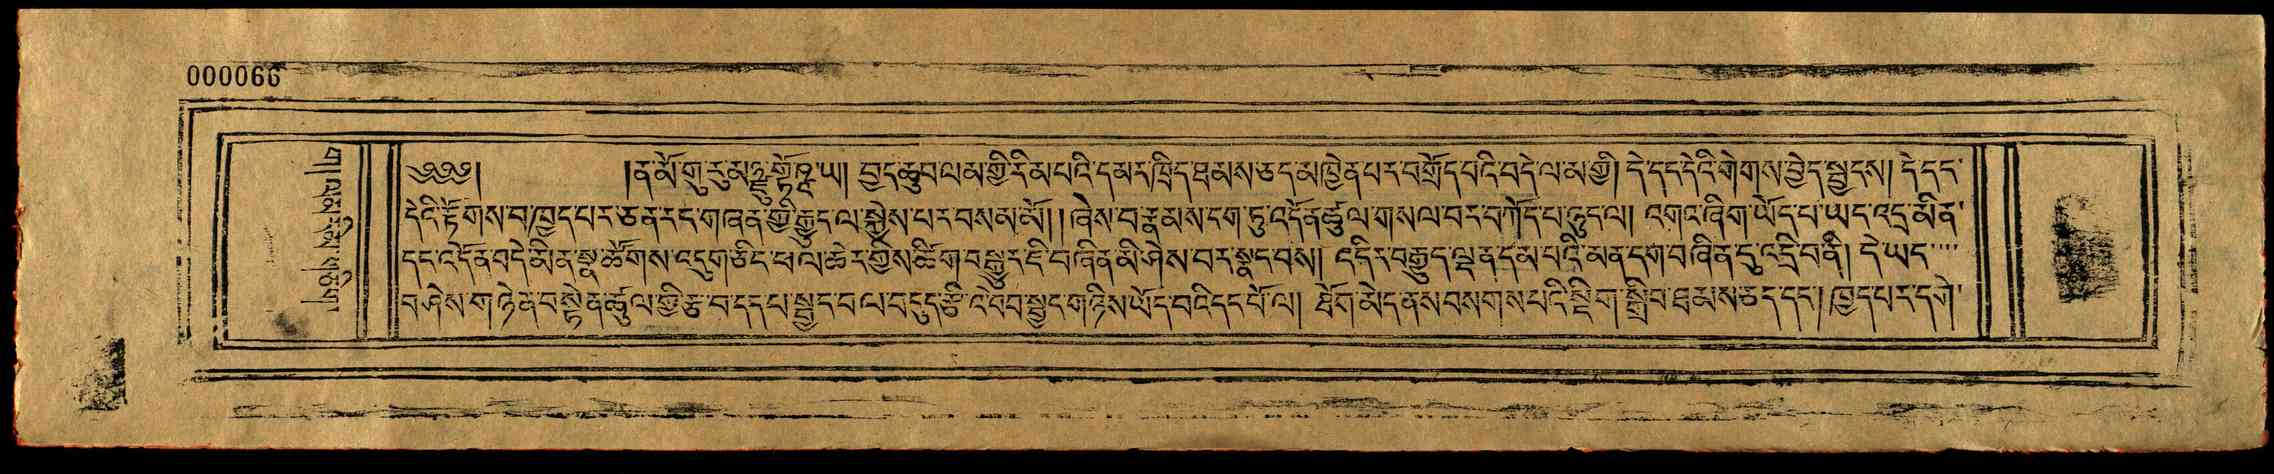༄༅༅། །ན་མོ་གུ་རུ་མཉྫུ་གྷོ་ཥཱ་ཡ། བྱང་ཆུབ་ལམ་གྱི་རིམ་པའི་དམར་ཁྲིད་ཐམས་ཅད་མཁྱེན་པར་བགྲོད་པའི་བདེ་ལམ་གྱི། དེ་དང་དེའི་གེགས་བྱེད་སྦྱངས། དེ་དང་
དེའི་རྟོགས་པ་ཁྱད་པར་ཅན་རང་གཞན་གྱི་རྒྱུད་ལ་སྐྱེས་པར་བསམ་མོ། །ཞེས་པ་རྣམས་ངག་ཏུ་འདོན་ཚུལ་གསལ་བར་བཀོད་པ་ཉུང་ལ། །འགའ་ཞིག་ཡོད་པ་ཡང་འདྲ་མིན་
དང་འདོན་བདེ་མིན་སྣ་ཚོགས་འདུག་ཅིང་ཕལ་ཆེར་གྱིས་ཚིག་བསྒྱུར་ཇི་བཞིན་མི་ཤེས་པར་སྣང་བས། འདིར་བརྒྱུད་ལྡན་དམ་པའི་མན་ངག་བཞིན་དུ་འདྲི་བ་ནི། དེ་ཡང་
བཤེས་གཉེན་བསྟེན་ཚུལ་གྱི་རྩ་བ་དད་པ་སྦྱང་བ་ལ་བདུད་རྩི་འབེབ་སྦྱང་གཉིས་ཡོད་པའི་དང་པོ་ལ། ཐོག་མེད་ནས་བསགས་པའི་སྡིག་སྒྲིབ་ཐམས་ཅད་དང་། ཁྱད་པར་དགེ་